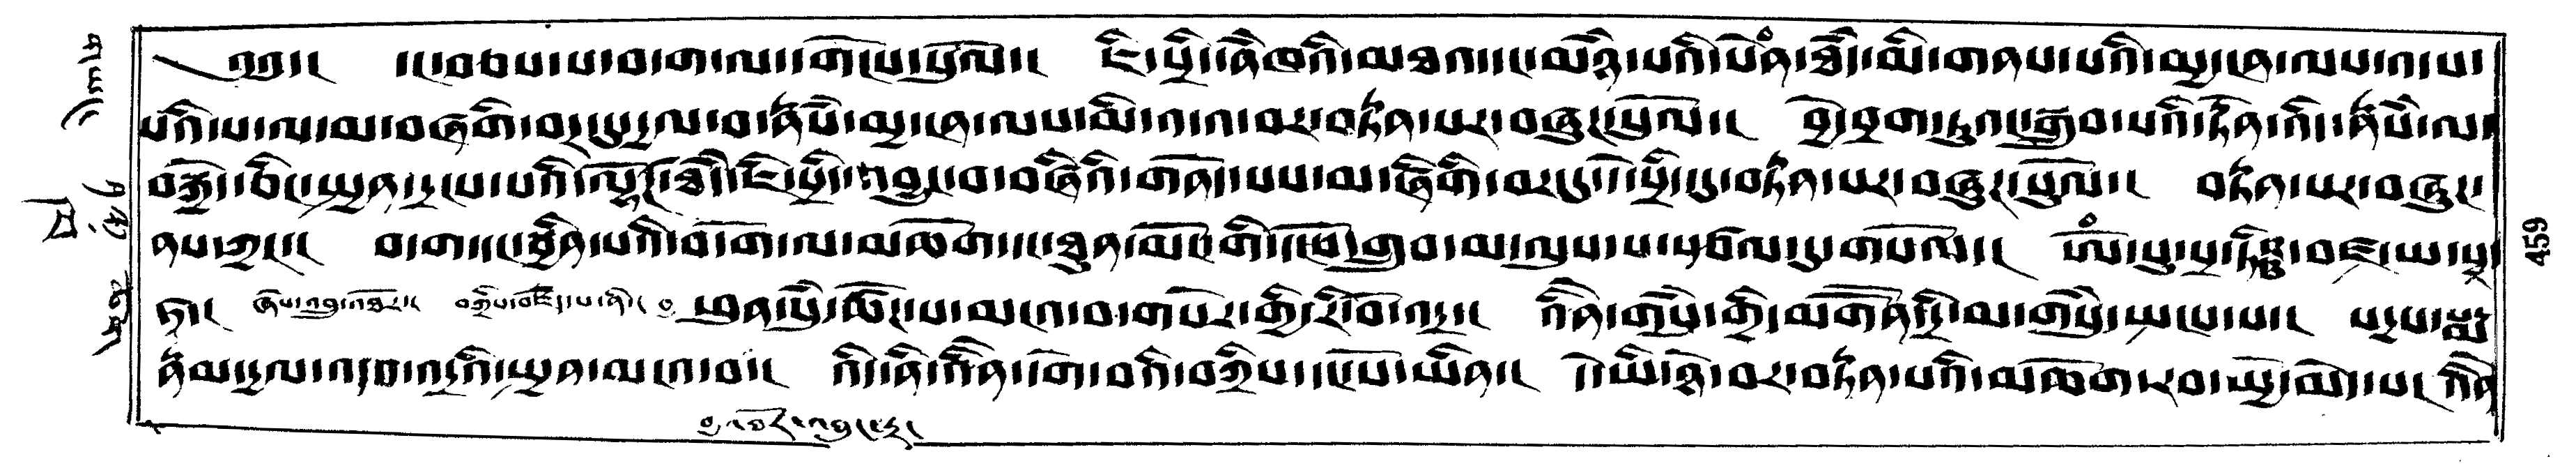དང་བཅས་པ་བདག་ལ་དགོངས་སུ་གསོལ། ཇི་སྲིད་ནམ་མཁའི་མཐའ་དང་མཉམ་པའི་སེམས་ཅན་ཐམས་ཅད་མི་གནས་པའི་མྱ་ངན་ལས་འདས་
པའི་ས་ལ་མ་བཞག་གི་བར་དུ་རྒྱལ་བ་རྣམས་མྱ་ངན་ལས་མི་འདའ་བར་བརྟན་པར་བཞུགས་སུ་གསོལ། བྱེ་བྲག་ཏུའང་སྒྲུབ་པའི་རྟེན་འདི་རྣམས་ལ་
བསྐྱེད་ཅིང་སྤྱན་དྲངས་པའི་ལྷ་ཚོགས་ཐམས་ཅད་ཇི་སྲིད་འབྱུང་བ་བཞིའི་གནོད་པས་མ་ཞིག་གི་བར་དུ་དེ་སྲིད་དུ་བརྟན་པར་བཞུགས་སུ་གསོལ། བརྟན་པར་བཞུགས་
ནས་ཀྱང་། བདག་དང་སྦྱིན་པའི་བདག་པོ་ལ་མཆོག་དང་ཐུན་མོང་གི་དངོས་གྲུབ་མ་ལུས་པ་བསྩལ་དུ་གསོལ། ཨོཾ་སུ་པྲ་ཏིཥྛ་བཛྲ་ཡ་སྭ་
བྷ། ཞེས་འབྲུ་འཐོར། བཀྲ་ཤིས་བརྗོད་པ་ནི། ཕུན་སུམ་ཚོགས་པ་མངའ་བ་གསེར་གྱི་རི་བོ་འདྲ། །འཇིག་རྟེན་གསུམ་གྱི་མགོན་པོ་དྲི་མ་གསུམ་སྤངས་པ། །སངས་རྒྱས་པདྨ་
རྣམ་རྒྱལ་འདབ་འདྲའི་སྤྱན་མངའ་བ། །འདི་ནི་འཇིག་རྟེན་དགེ་བའི་བཀྲ་ཤིས་དང་པོ་ཡིན། །དེ་ཡི་ཉེ་བར་བསྟན་པའི་མཆོག་རབ་གཡོ་མེད་པ། །འཇིག་རྟེན་